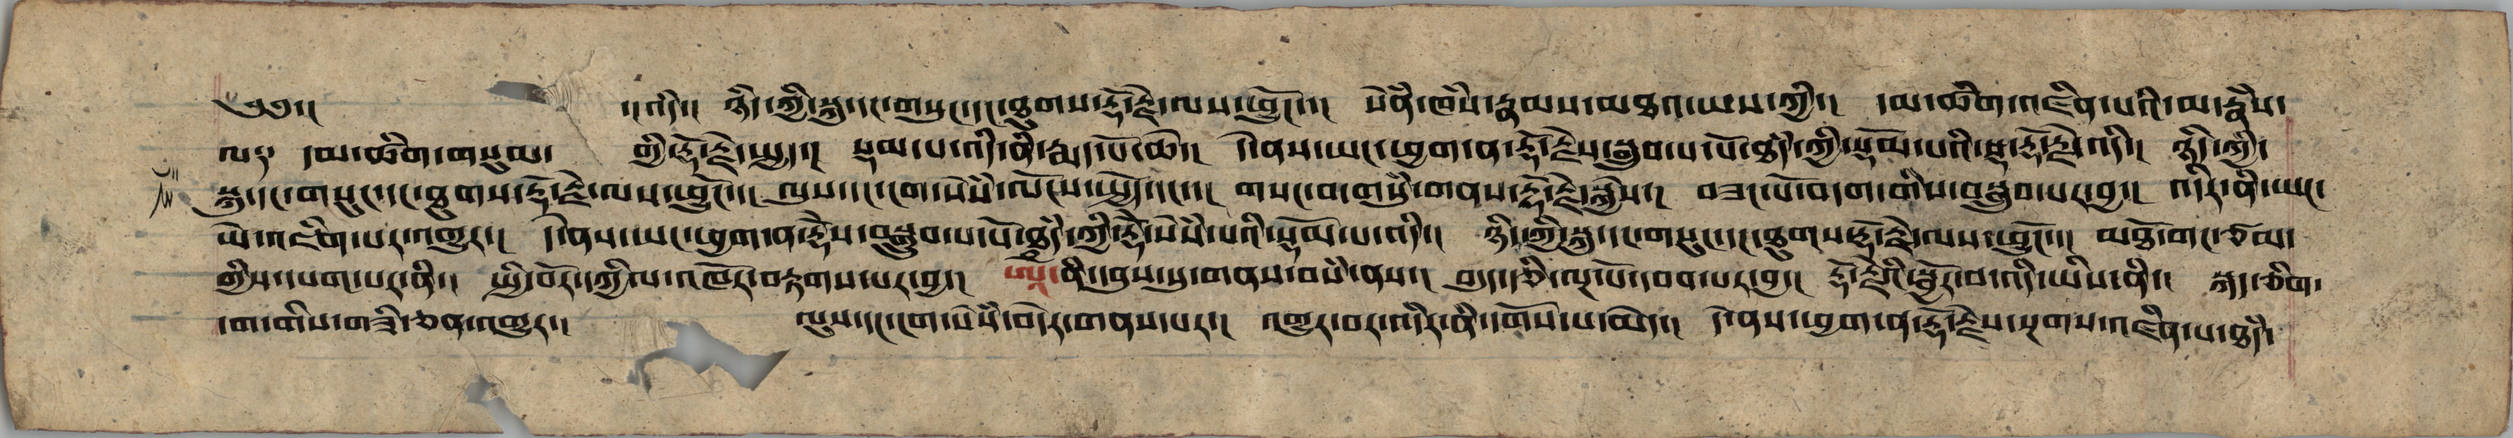༄༅་། ་།འདི་། ཉིད་ཀྱི་སྐུ་དང་གསུང་དང་ཐུགས་རྡོ་རྗེ་ལས་ཕྱུངོ་་། སེཾན་ཁཾས་རྣམས་མཐའ་ཡས་ཀྱི་། དམ་ཚིག་འཛིན་པའི་མ་རྣཾས་
ལ༑ དམ་ཚིག་གསུམ་ གྱི་རྡོ་རྗེ་སྤྱད་། སྡམ་པ་འདི་ནི་རྨད་པོ་ཆེ་། དེ་ནས་ཡང་ཕྱག་ན་རྡོ་རྗེས་སྒྲུབ་པ་པོ་ཐདཾ་ཀྱི་སྡོམ་པའི་སྡ་རྡོ་རྗེ་འདི་། ཉིད་ཀྱི་
སྐུ་དང་གསུང་དང་ཐུགས་རྡོ་རྗེ་ལས་ཕྱུངོ་་། ལུས་དང་ངག་སེཾས་ལོངས་སྤྱོད་དང་་། གསང་བ་གསུཾ་གནས་རྡོ་རྗེ་སྐྱེས་། བཟང་པོ་བདག་གིས་བསྒྲུབ་པར་བྱ་། འདིར་ནི་ཡང་
ཡེ་འཇིག་པར་འགྱུར་། དེ་ནས་ཡང་ཕྱག་ན་རྡོེས་བསྒྲུབ་པ་པོ་ཐདཾ་ཀྱི་རྡོེ་སེཾས་པའི་སྡོམ་པ་འདི་། ཉིད་ཀྱི་སྐུ་དང་གསུང་དང་ཐུགས་རྡོ་རྗེ་ལས་ཕྱུངོ་་། མཐོ་གང་ཙམ་
གྱིས་དཔག་པར་ནི་། སྤྱི་བོར་དཀྱིལ་འཁོར་བརྟགས་པར་བྱ་། ཨཱོཾ་ནི་དབུས་སུ་གནས་བསཾ་ནས་། བདུད་རྩི་ལྔ་པོ་དབབ་པར་བྱ་། རྡོ་རྗེའི་སྦྱོར་བ་འདི་ཡིས་ནི་། སྐད་ཅིག་
དག་གིས་གཟི་ཅན་འགྱུར་། ལུས་དང་ངག་སེཾས་བདེར་གནས་པར་། འགྱུར་བར་འདིར་ནི་དགོས་པ་མེད་། དེ་ནས་ཕྱག་ན་རྡོ་རྗེས་སྔགས་འཛིན་པ་ཐདཾ་